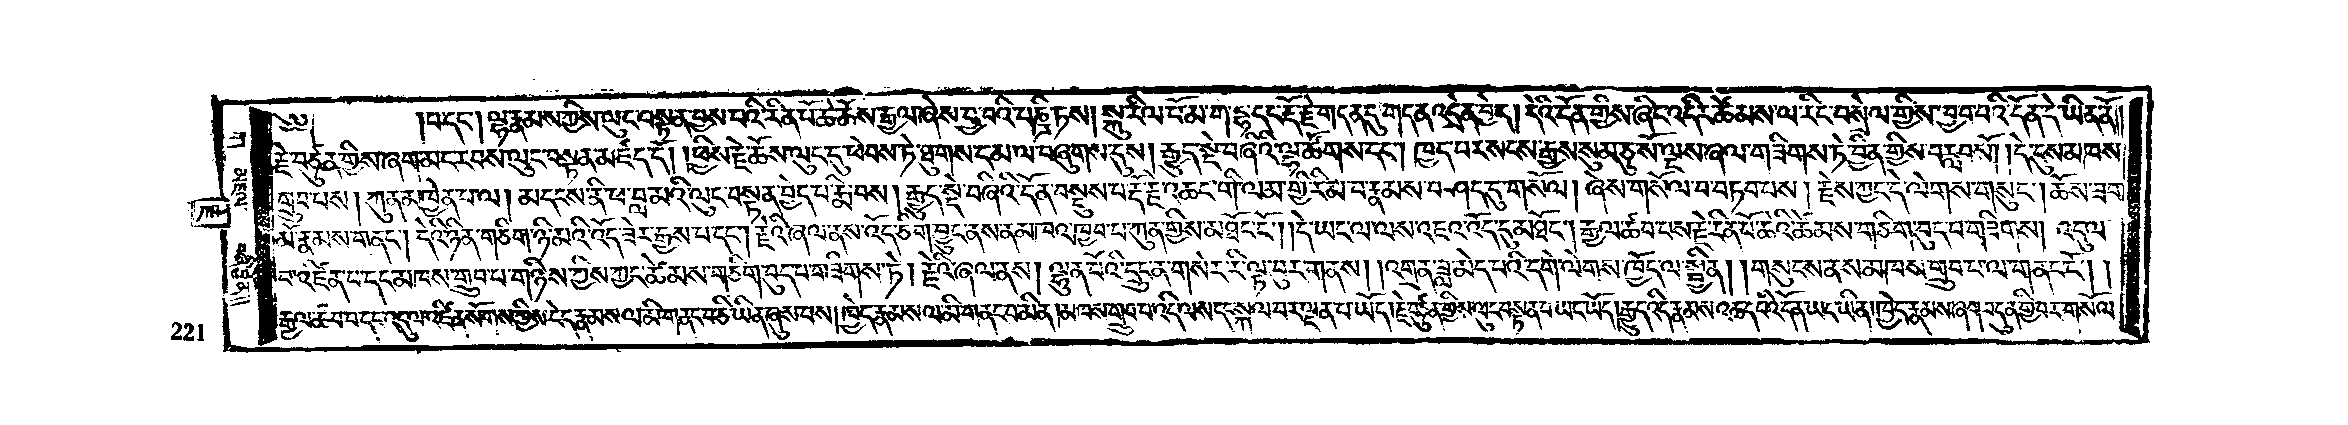༄༅། །པ་དང་། ལྷ་རྣམས་ཀྱིས་ལུང་བསྟན་བྱས་པའི་རིན་པོ་ཆེ་ཆོས་རྒྱལ་ཞེས་བྱ་བའི་པཎྜི་ཏས། སྐུ་རིལ་པོ་མ་ག་དྷ་དང་རྡོ་རྗེ་གདན་དུ་གདན་འདྲེན་བྱེད། དེའི་དོན་གྱིས་ཞིང་འདིར་ཚེམས་ལ་རིང་བསྲེལ་གྱིས་བྱ་བ་བའི་དོན་དེ་ཡིན་ནོ། །
རྗེ་བཙུན་གྱིས་ཞག་མང་རབས་ལུང་བསྟན་མཛད་དོ། །ཕྱིས་རྗེ་ཆོས་ལུང་དུ་ཕེབས་ཏེ་ཐུགས་དམ་ལ་བཞུགས་དུས། རྒྱུད་སྡེ་བཞིའི་ལྷ་ཚོགས་དང་། ཁྱད་པར་སངས་རྒྱས་སུམ་ཅུ་སོ་ལྔས་ཞལ་གཟིགས་ཏེ་བྱིན་གྱིས་བརླབས་སོ། །དེ་དུས་མཁས་
གྲུབ་པས། ཀུན་མཁྱེན་པ་ལ། མདངས་ནི་ཕ་བླ་མའི་ལུང་བསྟན་བྱེད་པ་རྨི་བས། རྒྱུད་སྡེ་བཞིའི་དོན་བསྡུས་པ་རྡོ་རྗེ་འཆང་གི་ལམ་གྱི་རིམ་པ་རྣམས་བཤད་དུ་གསོལ། ཞེས་གསོལ་བ་བཏབ་པས། རྗེས་ཀྱང་དེ་ལེགས་གསུང་། ཆོས་ཟབ་
མོ་རྣམས་གནང་། དེའི་ཉིན་གཅིག་ཉི་མའི་འོད་ཟེར་རྒྱས་པ་དང་། རྗེའི་ཞལ་ནས་འོད་ཅིག་བྱུང་ནས་ནམ་མཁའ་ཁྱབ་པ་ཀུན་གྱིས་མཐོང་ངོ། །དེ་ཡང་ལ་ལས་འཇའ་འོད་དུ་མཐོང་། རྒྱལ་ཚབ་པས་རྗེ་རིན་པོ་ཆེའི་ཚེམས་གཅིག་བུད་པ་གཟིགས། འདུལ་
བ་འཛིན་པ་དང་མཁས་གྲུབ་པ་གཉིས་ཀྱིས་ཀྱང་ཚེམས་གཅིག་བུད་པ་གཟིགས་ཏེ། རྗེའི་ཞལ་ནས། ལྷུན་པོའི་དྲུང་ན་གསེར་རི་ལྟ་བུར་གནས། །འགྲན་ཟླ་མེད་པའི་དགེ་ལེགས་ཁྱོད་ལ་སྦྱིན། །གསུངས་ནས་མཁས་གྲུབ་པ་ལ་གནང་ངོ། །
རྒྱལ་ཚབ་བ་དང་འདུལ་འཛིན་སོགས་ཀྱིས་ངེད་རྣམས་ལ་མི་གནང་བ་ཅི་ཡིན་ཞུས་པས། ཁྱེད་རྣམས་ལ་མི་གནང་བ་མིན། མཁས་གྲུབ་པ་འདི་ལས་དང་སྐལ་བར་ལྡན་པ་ཡོད། རྗེ་བཙུན་གྱིས་ལུང་བསྟན་པ་ཡང་ཡོད། རྒྱུད་འདི་རྣམས་འཆད་པའི་དོན་ཡང་ཡིན། ཁྱེད་རྣམས་ཞག་བདུན་གྱི་བར་གསོལ་